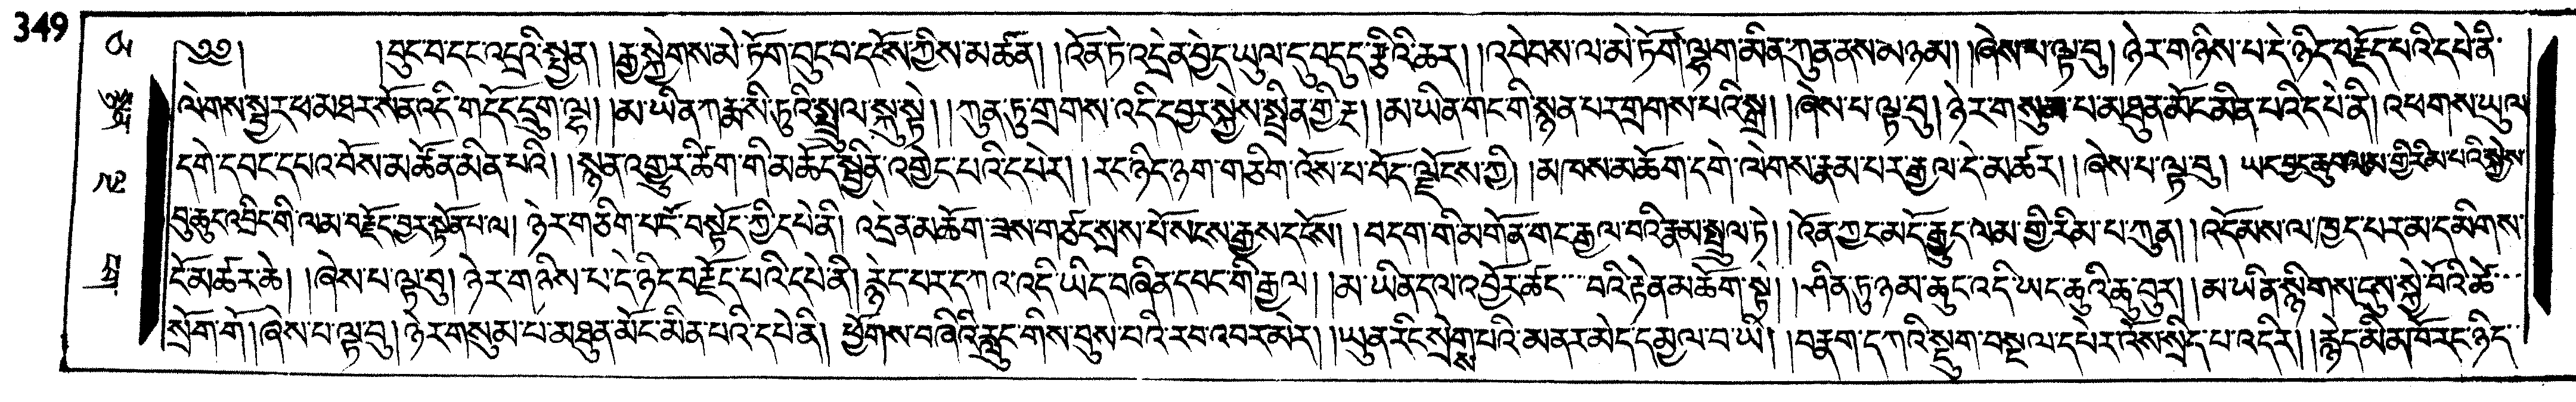༄༅། །བུང་བ་དང་འདྲའི་སྤྱན། །རྒྱ་སྐྱེགས་མེ་ཏོག་བུང་བ་དངོས་ཀྱིས་མཚན། །འོན་ཏེ་འདྲེན་བྱེད་ཡུལ་དུ་བདུད་རྩིའི་ཆར། །འབེབས་ལ་མེ་ཏོག་ལྷག་མིན་ཀུན་ནས་མཉམ། །ཞེས་པ་ལྟ་བུ། ཉེར་གཉིས་པ་དེ་ཉིད་བརྗོད་པའི་དཔེ་ནི་
ལེགས་སྦྱར་ཕ་མཐར་སོན་འདི་གདོང་དྲུག་ལྷ། །མ་ཡིན་ཀརྨ་སི་ཏུའི་སྤྲུལ་སྐུ་སྟེ། །ཀུན་ཏུ་གྲགས་འདི་དབྱར་སྐྱེས་སྤྲིན་གྱི་རྔ། །མ་ཡིན་གང་གི་སྙན་པར་གྲགས་པའི་སྒྲ། །ཞེས་པ་ལྟ་བུ། ཉེར་གསུམ་པ་མཐུན་མོང་མིན་པའི་དཔེ་ནི། འཕགས་ཡུལ་
དགེ་དབང་དཔའ་བོས་མཚོན་མིན་པའི། །སྙན་འགྱུར་ཚིག་གི་མཆོད་སྦྱིན་འགྱེད་པའི་དཔེར། །རང་ཉིད་ཉག་གཅིག་འོས་པ་བདོ་ལྗོངས་ཀྱི། །ཁས་མཆོག་དགེ་ལེགས་རྣམ་པར་རྒྱལ་དེ་མཚར། །ཞེས་པ་ལྟ་བུ། ཡང་བྱང་ཆུབ་ལམ་གྱི་རིམ་པའི་སྐྱེས་
བུ་ཆུང་འབྲིང་གི་ལམ་བརྗོད་བྱར་སྟོན་པ་ལ། ཉེར་གཅིག་པ་ངོ་བསྟོད་ཀྱི་དཔེ་ནི། འདྲེན་མཆོག་ཟས་གཙང་སྲས་པོ་སངས་རྒྱས་དངོས། །བདག་གི་མགོན་གང་རྒྱལ་བའི་རྣམ་སྤྲུལ་ཏེ། །འོན་ཀྱང་མདོ་རྒྱུད་ལམ་གྱི་རིམ་པ་ཀུན། །འདོམས་ལ་ཁྱད་པར་མ་དམིགས་
ངོ་མཚར་ཆེ། །ཞེས་པ་ལྟ་བུ། ཉེར་གཉིས་པ་དེ་ཉིད་བརྗོད་པའི་དཔེ་ནི། རྙེད་པར་དཀའ་འདི་ཡིད་བཞིན་དབང་གི་རྒྱལ། །མ་ཡིན་དལ་འབྱོར་ཚང་་་བའི་རྟེན་མཆོག་སྟེ། །ཤིན་ཏུ་ཉམ་ཆུང་འདི་ཡང་ཆུའི་ཆུ་བུར། །མ་ཡིན་སྙིགས་དུས་སྐྱེ་བོའི་ཚེ་
སྲོག་གོ། །ཞེས་པ་ལྟ་བུ། ཉེར་གསུམ་པ་མཐུན་མོང་མིན་པའི་དཔེ་ནི། ཕྱོགས་བཞིའི་རླུང་གིས་བུས་པའི་རབ་འབར་མེར། །ཡུན་རིང་སྲེགས་པའི་མནར་མེད་དམྱལ་བ་ཡི། །བརྣག་དཀའི་སྡུག་བསྔལ་དཔེར་འོས་སྲིད་པ་འདིར། །རྙེད་མིན་ཁོ་རང་ཉིད་